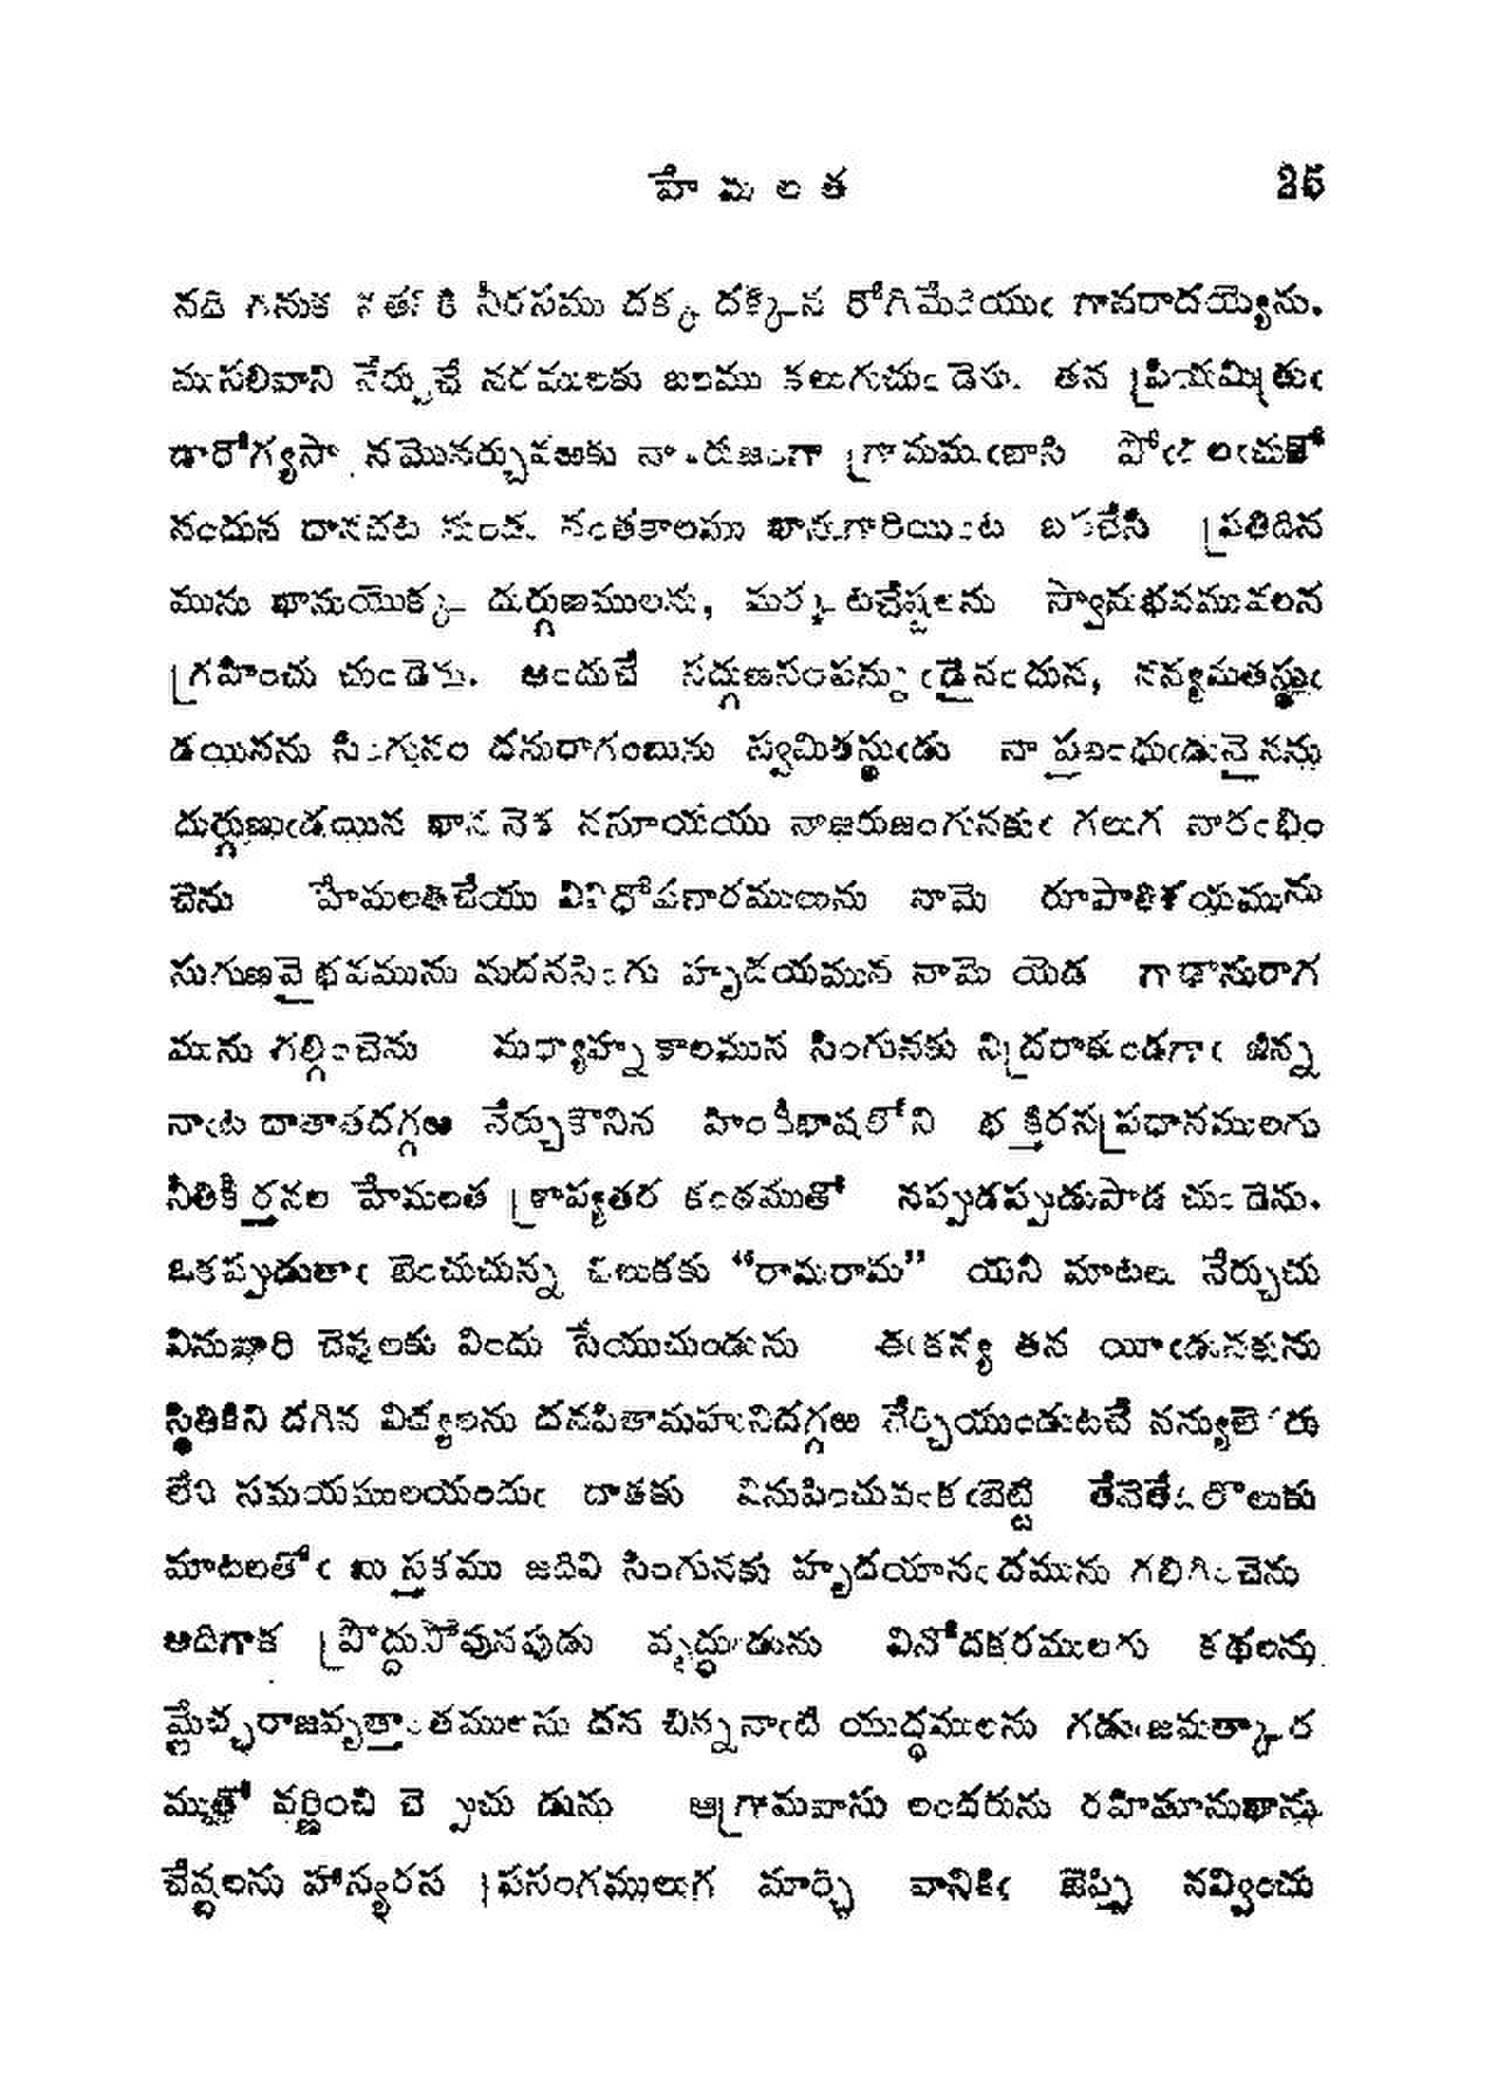నది గనుక నతనికి నీరసము దక్క దక్కిన రోగిమేదియుఁ గానరాదయ్యెను. ముసలివాని నేర్పుచే నరములకు బలము కలుగుచుండెను. తన ప్రియమితుఁ డారోగ్యస్నానమొనర్చువఱకు నాజరుజంగా గ్రామముఁబాసి పోఁదలంచుతో నందున దానచట నుండు నంతకాలము ఖానుగారియింట బసచేసి ప్రతిదినమును ఖాను యొక్క దుర్గుణములను, మర్కటచేష్టలను స్వానుభవమువలన గ్రహించు చుండెను. అందుచే సద్గుణసంపన్నుఁ డైనందున, నన్యమతస్థుఁ డయినను సింగునం దనురాగంబును స్వమతస్థుఁడు నాప్తబంధుఁడైనను దుర్గుణుఁడయిన ఖాను నెడ నసూయయు నాజరుజంగునకుఁ గలుగ నారంభించెను. హేమలత చేయు వివిధోపచారములును నామె రూపాతిశయమును సుగుణ వైభవమును మదనసింగు హృదయమున నామె యెడ గాఢానురాగమును గల్గించెను. మధ్యాహ్న కాలమున సింగునకు నిద్రరాకుండగాఁ జిన్న నాఁట దాతాతదగ్గఱ నేర్చుకొనిన హిందీభాషలోని భక్తిరస ప్రధానములగు నీతికీర్తనల హేమలత శ్రావ్యతర కంఠముతో సప్పుడప్పుడు పాడుచుండెను, ఒకప్పుడు తాఁ బెంచుచున్న చిలుకకు “రామ రామ” యని మాటలు నేర్చుచు వినువారి చెవులకు విందు సేయుచుండును. ఈ కన్య తన యీఁడుకును స్థితికిని దగిన విద్యలను దనపితామహునిదగ్గఱ చేర్చియుండుటచే నన్యులెవరు లేని సమయములయందుఁ దాతకు వినుపించువంకఁబెట్టి తేనెతేటలొలుకు మాటలతోఁ బుస్తకము జదివి సింగునకు హృదయానందమును గలిగించెను అదిగాక ప్రొద్దుపోవునపుడు వృద్ధుఁడును వినోదకరములగు కథలను,
మ్లేచ్ఛరాజవృత్తాంతములను దన చిన్ననాఁటి యుద్ధములను గడుఁజమత్కారముతో వర్ణించి చెప్పుచుండును. ఆ గ్రామవాసు లందరును రహిమానుఖాను చేష్టలను హాస్యరస ప్రసంగములుగ మార్చి వానికిఁ జెప్పి నవ్వించు